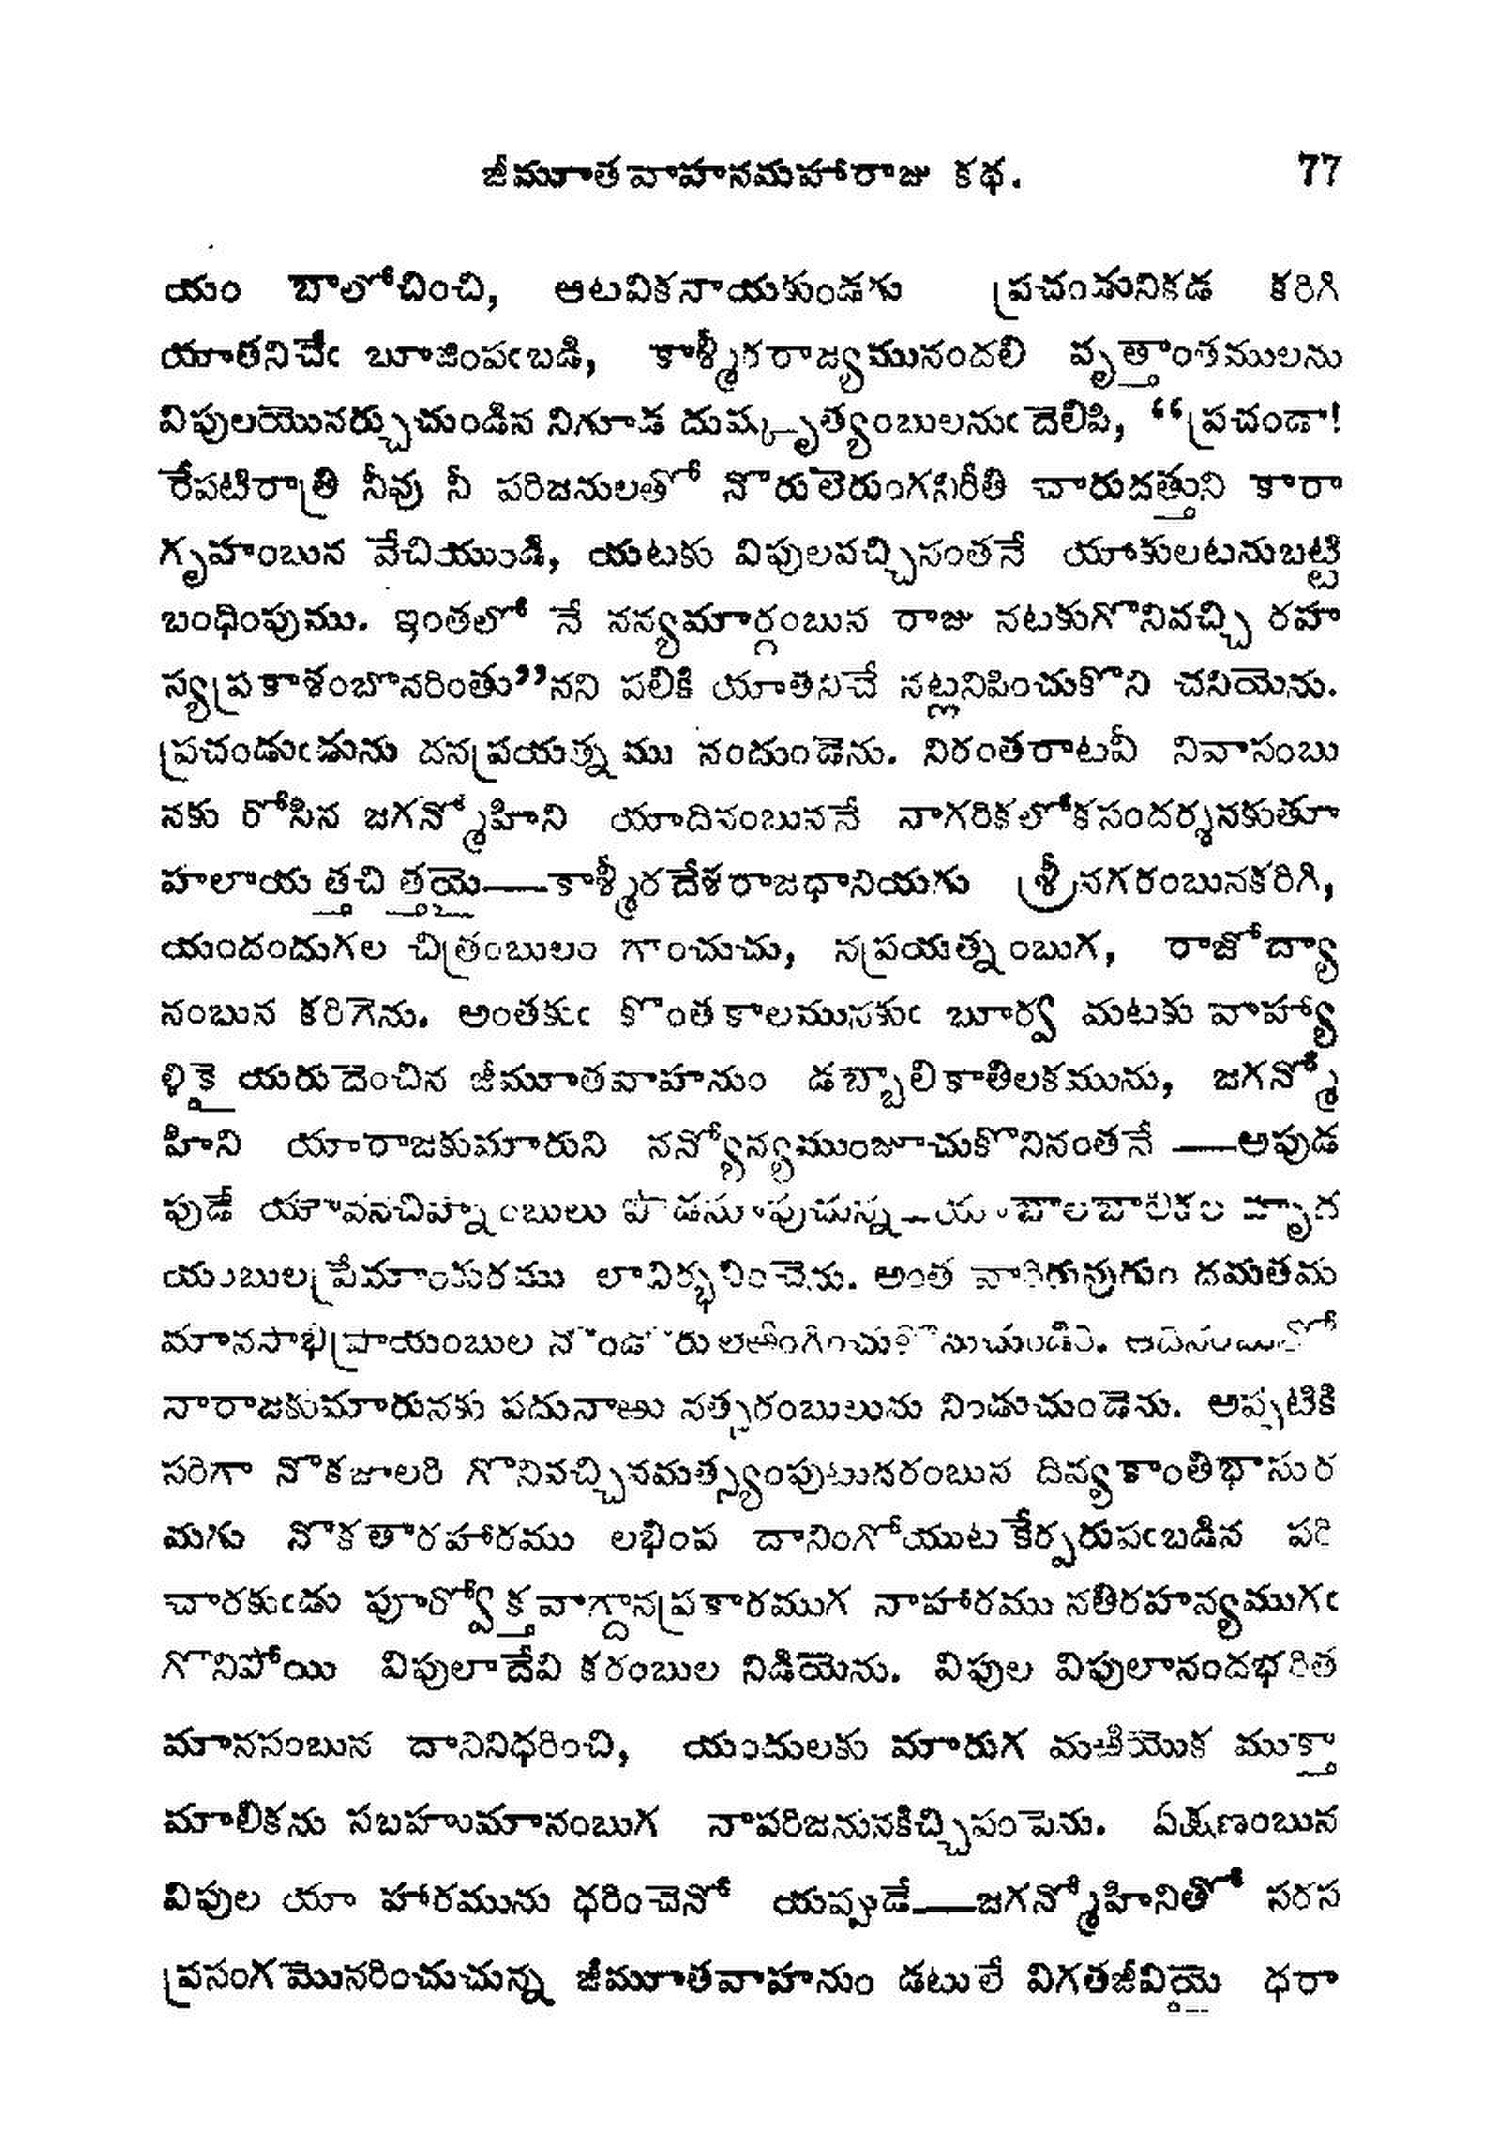యం బాలోచించి, ఆటవిక నాయకుండగు ప్రచండునికడ కరిగి యాతనిచేఁ బూజింపఁబడి, కాశ్మీరరాజ్యమునందలి వృత్తాంతములను విపులయొనర్చుచుండిన నిగూడ దుష్కృత్యంబులనుఁ దెలిపి, “ప్రచండా! రేపటి రాత్రి నీవు నీ పరిజనులతో నొరు లెరుంగనిరీతి చారుదత్తుని కారాగృహంబున వేచి యుండి, యటకు విఫులవచ్చిసంతనే యాకులటనుబట్టి
బంధింపుము. ఇంతలో నే నన్యమార్గంబున రాజు నటకుగొనివచ్చి రహస్యప్రకాశంబొనరింతు”నని పలికి యాతనిచే నట్లనిపించుకొని చనియెను. ప్రచండుఁడును దన ప్రయత్నము నందుండెను. నిరంతరాటవీ నివాసంబునకు రోసిన జగన్మోహిని యాదినంబుననే నాగరికలోక సందర్శనకుతూ హలాయత్తచిత్తయై——కాశ్మీర దేశ రాజధానియగు శ్రీనగరంబునకరిగి,
యందందుగల చిత్రంబులం గాంచుచు, నప్రయత్నంబుగ, రాజోద్యానంబున కరిగెను. అంతకుఁ కొంత కాలమునకుఁ బూర్వ మటకు వాహ్యాళికై యరుదెంచిన జీమూతవాహనుం డబ్బాలికాతిలకమును, జగన్మోహిని యారాజకుమారుని నన్యోన్యముం జూచుకొనినంతనే——అపుడపుడే యౌవనచిహ్నాఁబులు పొడసూపుచున్న యాబాలబాలికల హృదయంబుల ప్రేమాంకురము లావిర్భవించెను. అంత వారిరువురుం దమతమ మానసాభిప్రాయంబుల నోండోరులఱింగించుకోనుచుండిరి. ఆదినంబుతో
నారాజకుమారునకు పదునాఱు వత్సరంబులును నిండుచుండెను. అప్పటికి సరిగా నొకజాలరి గొనివచ్చిన మత్స్యంపుటు దరంబున దివ్య కాంతిభాసురమగు నొక తారహారము లభింప దానింగోయుట కేర్పరుపఁబడిన పరిచారకుఁడు పూర్వోక్త వాగ్దాన ప్రకారముగ నాహారము నతిరహన్యముగఁ గొనిపోయి విపులాదేవి కరంబుల నిడియెను. విపుల విపులానందభరిత
మానసంబున దానినిధరించి, యందులకు మారుగ మఱియొక ముక్తామాలికను సబహుమానంబుగ నాపరిజనునకిచ్చిపంపెను. ఏక్షణంబున విపుల యా హారమును ధరించెనో యప్పుడే ——జగన్మోహినితో సరస ప్రసంగమొనరించుచున్న జీమూతవాహనుం డటులే విగతజీవియై ధరా